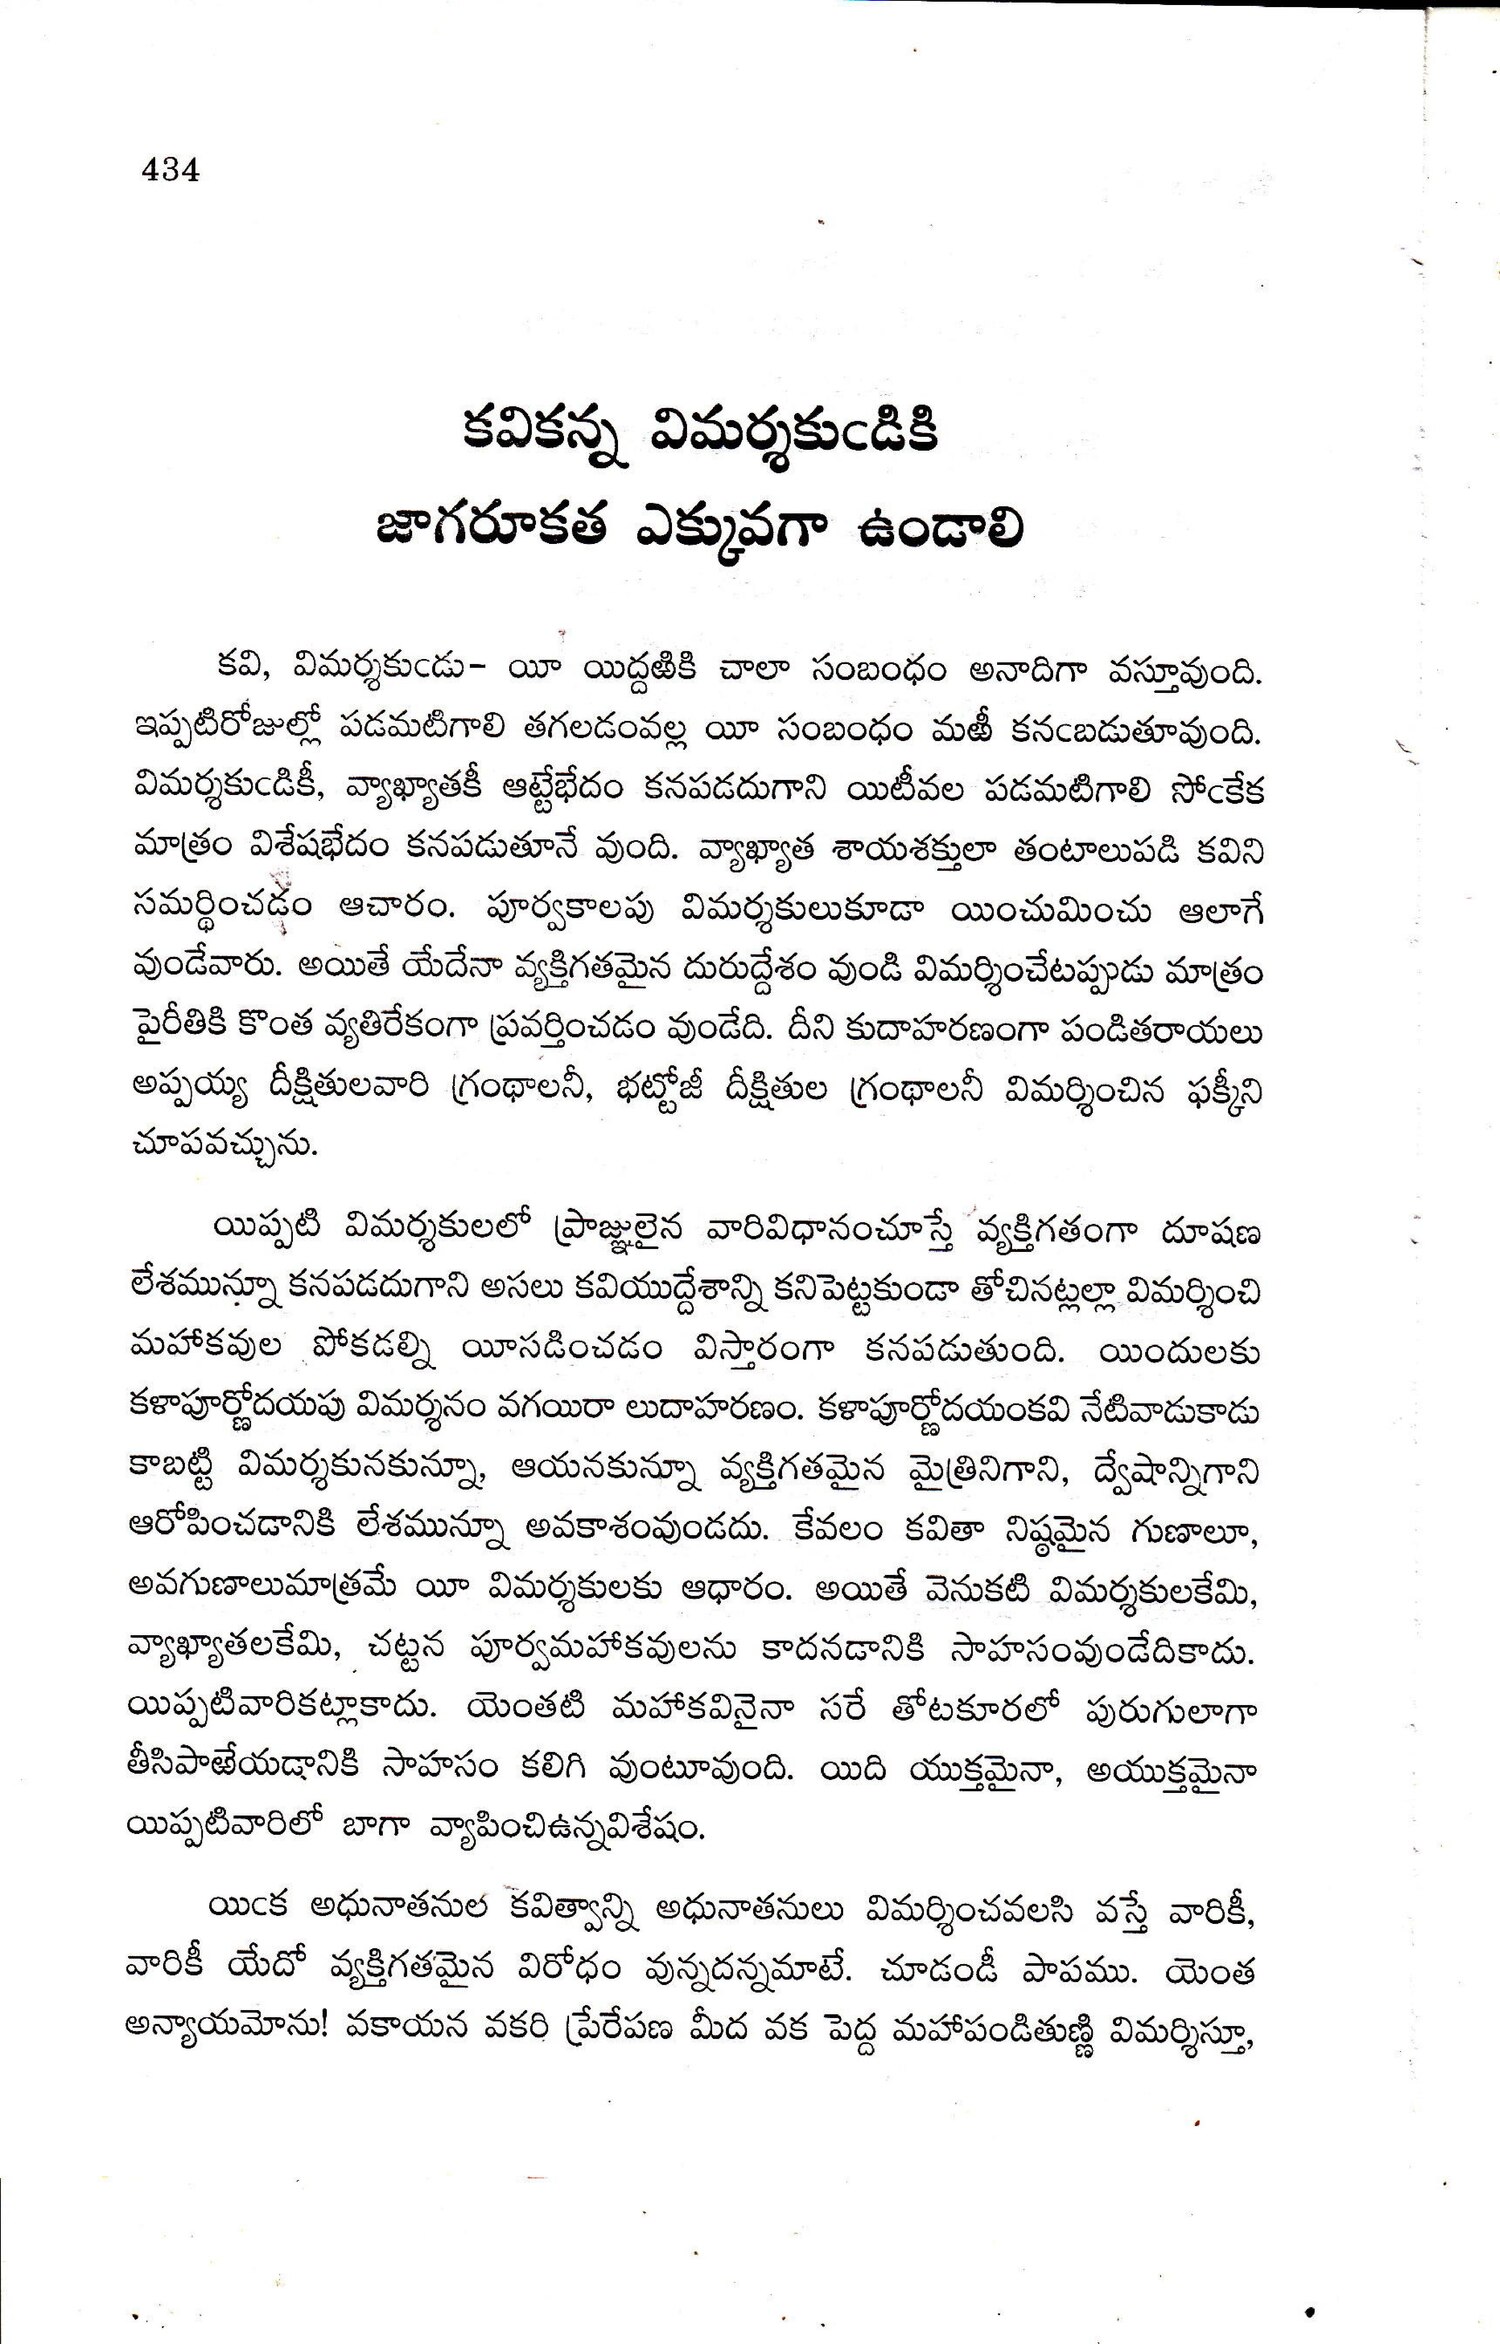కవికన్న విమర్శకుఁడికి జాగరూకత ఎక్కువగా ఉండాలి

కవి, విమర్శకుఁడు - యీ యిద్దఱికి చాలా సంబంధం అనాదిగా వస్తూవుంది. ఇప్పటిరోజుల్లో పడమటిగాలి తగలడంవల్ల యీ సంబంధం మఱీ కనఁబడుతూవుంది. విమర్శకుఁడికీ, వ్యాఖ్యాతకీ అట్టేభేదం కనపడదుగాని యిటీవల పడమటిగాలి సోఁకేక మాత్రం విశేషభేదం కనపడుతూనే వుంది. వ్యాఖ్యాత శాయశక్తులా తంటాలుపడి కవిని సమర్ధించడం ఆచారం. పూర్వకాలపు విమర్శకులుకూడా యించుమించు ఆలాగే వుండేవారు. అయితే యేదేనా వ్యక్తిగతమైన దురుద్దేశం వుండి విమర్శించేటప్పుడు మాత్రం పైరీతికి కొంత వ్యతిరేకంగా ప్రవర్తించడం వుండేది. దీని కుదాహరణంగా పండితరాయలు అప్పయ్య దీక్షితులవారి గ్రంథాలనీ, భట్టోజీ దీక్షితుల గ్రంథాలనీ విమర్శించిన ఫక్కీని చూపవచ్చును.

యిప్పటి విమర్శకులలో ప్రాజ్ఞులైన వారివిధానంచూస్తే వ్యక్తిగతంగా దూషణ లేశమున్నూ కనపడదుగాని అసలు కవియుద్దేశాన్ని కనిపెట్టకుండా తోచినట్లల్లా విమర్శించి మహాకవుల పోకడల్ని యీసడించడం విస్తారంగా కనపడుతుంది. యిందులకు కళాపూర్ణోదయపు విమర్శనం వగయిరా లుదాహరణం. కళాపూర్ణోదయంకవి నేటివాడుకాడు కాబట్టి విమర్శకునకున్నూ, ఆయనకున్నూ వ్యక్తిగతమైన మైత్రినిగాని, ద్వేషాన్నిగాని ఆరోపించడానికి లేశమున్నూ అవకాశంవుండదు. కేవలం కవితా నిష్ఠమైన గుణాలూ, అవగుణాలుమాత్రమే యీ విమర్శకులకు ఆధారం. అయితే వెనుకటి విమర్శకులకేమి, వ్యాఖ్యాతలకేమి, చట్టన పూర్వమహాకవులను కాదనడానికి సాహసంవుండేదికాదు. యిప్పటివారికట్లాకాదు. యెంతటి మహాకవినైనా సరే తోటకూరలో పురుగులాగా తీసిపాఱేయడానికి సాహసం కలిగి వుంటూవుంది. యిది యుక్తమైనా, అయుక్తమైనా యిప్పటివారిలో బాగా వ్యాపించిఉన్నవిశేషం.

యిఁక అధునాతనుల కవిత్వాన్ని అధునాతనులు విమర్శించవలసి వస్తే వారికీ, వారికీ యేదో వ్యక్తిగతమైన విరోధం వున్నదన్నమాటే. చూడండీ పాపము. యెంత అన్యాయమోను! వకాయన వకరి ప్రేరేపణ మీద వక పెద్ద మహాపండితుణ్ణి విమర్శిస్తూ,